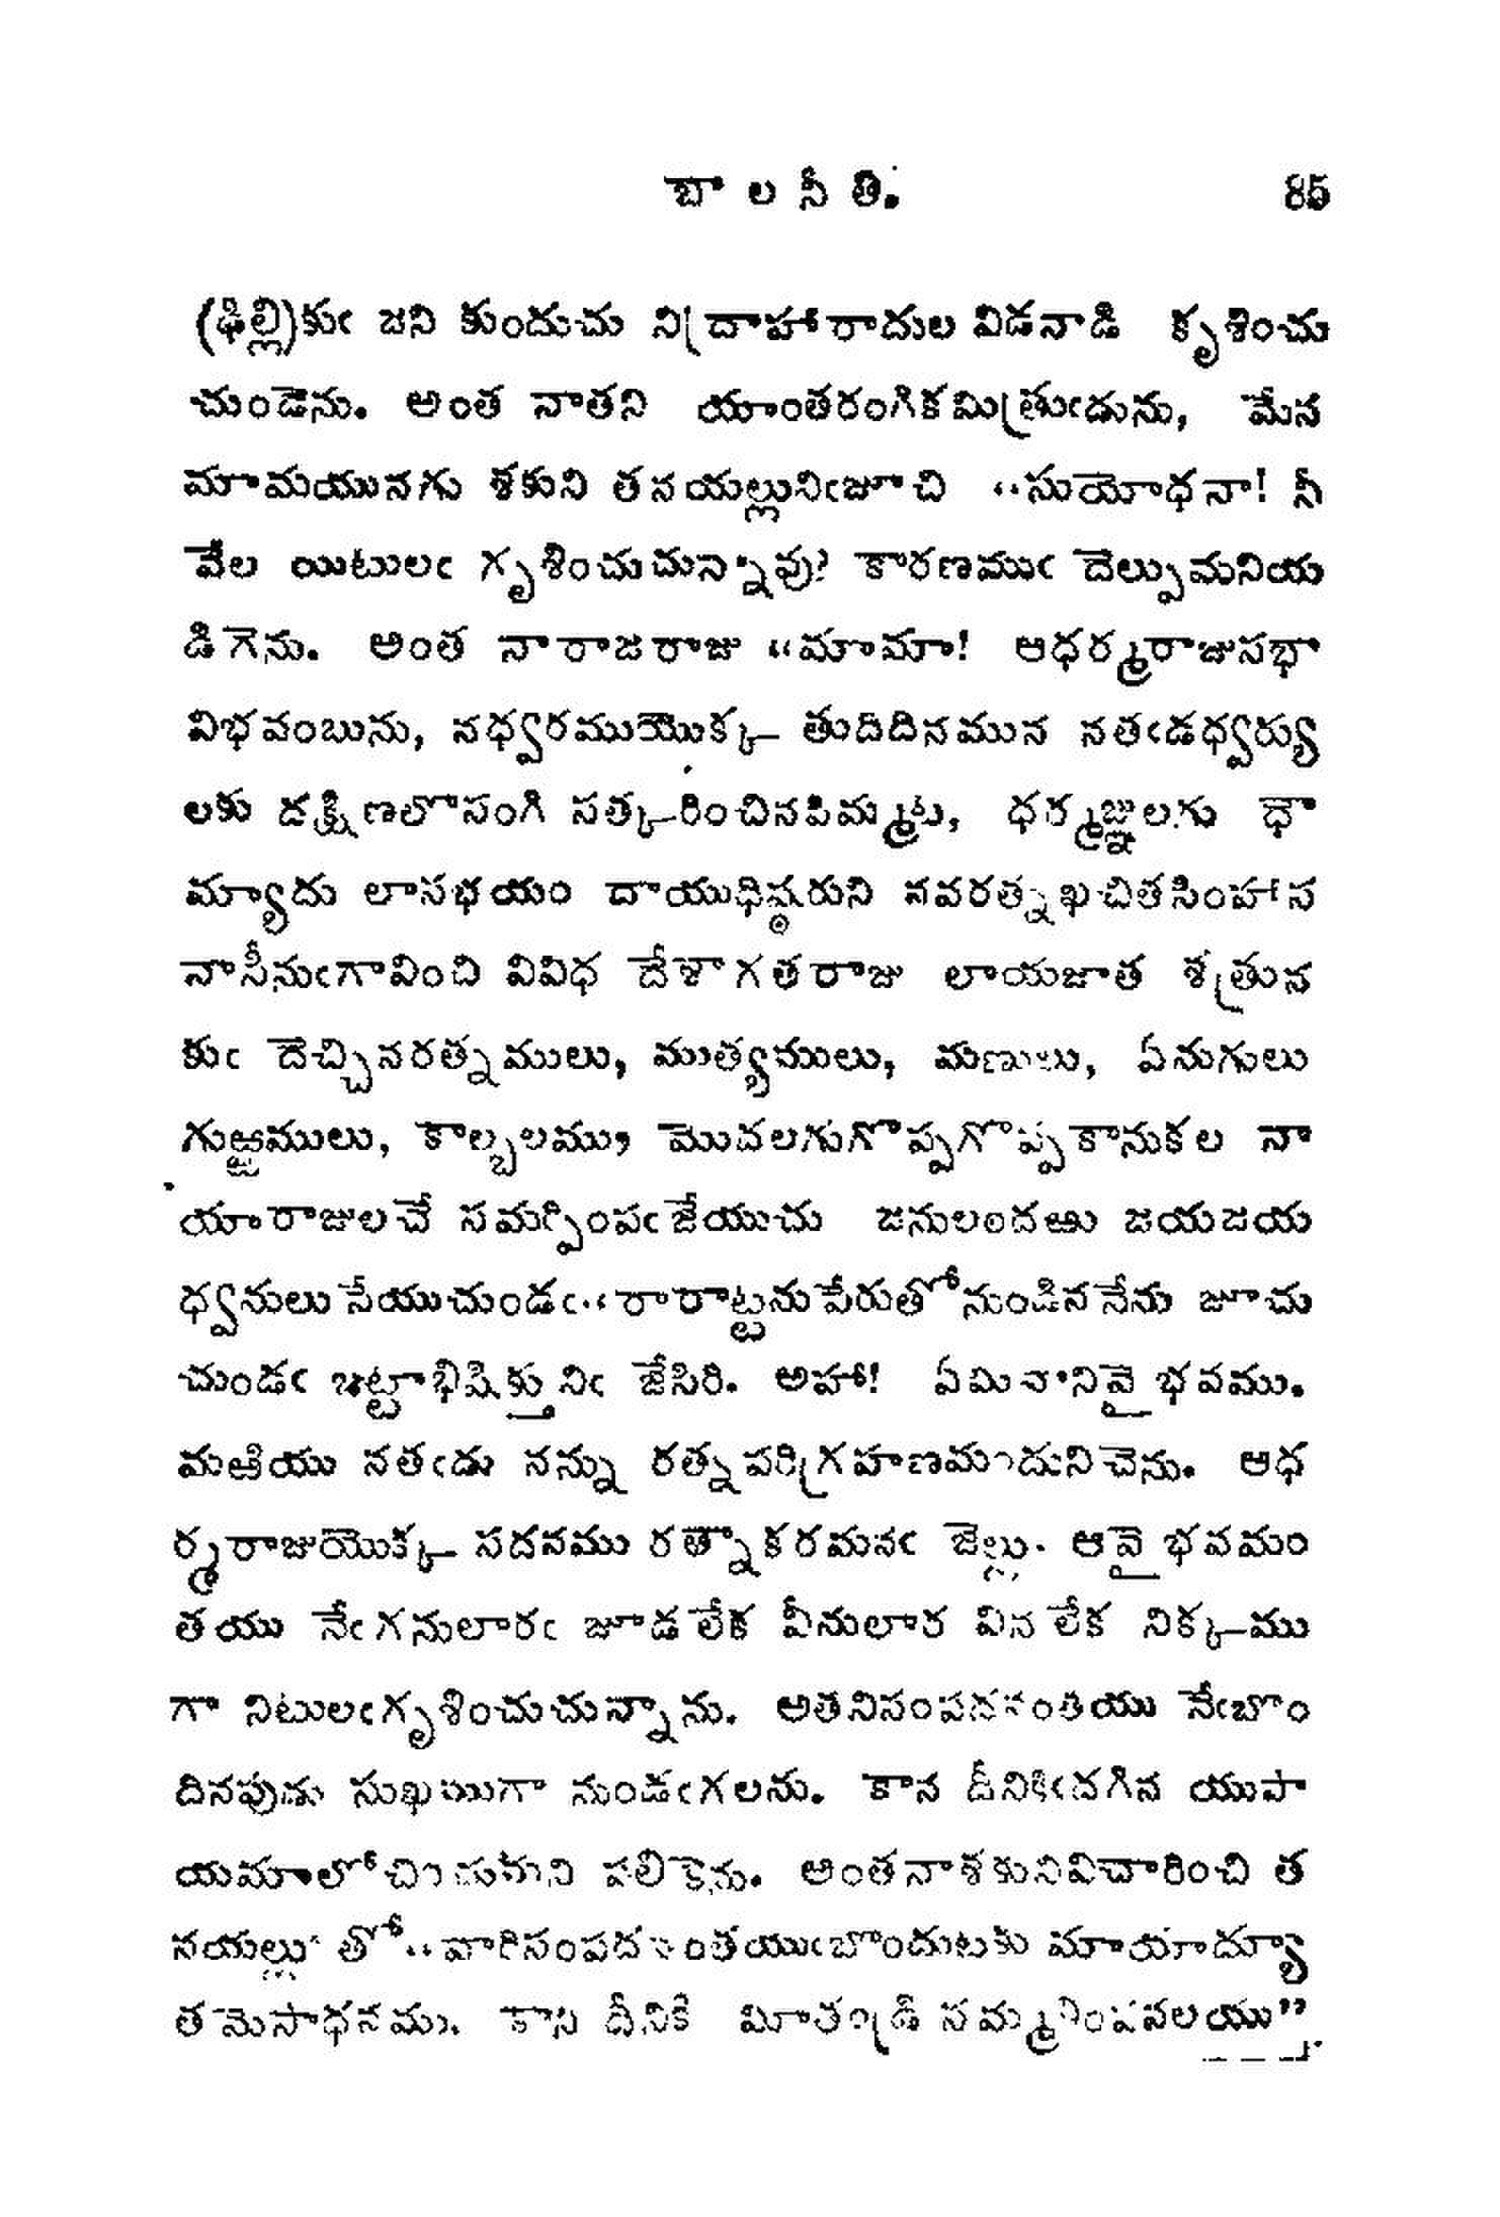(ఢిల్లి)కుఁ జని కుందుచు నిద్రాహారాదుల విడనాడి కృశించు
చుండెను. అంత నాతని యాంతరంగికమిత్రుఁడును, మేన
మామయునగు శకుని తనయల్లునిఁజూచి "సుయోధనా! నీ
వేల యిటులఁ గృశించుచున్నావు? కారణముఁ దెల్పుమనియ
డిగెను. అంత నారాజరాజు "మామా! ఆధర్మరాజుసభా
విభవంబును, నధ్వరముయొక్క తుదిదినమున నతఁడధ్వర్యు
లకు దక్షిణలొసంగి సత్కరించినపిమ్మట,ధర్మజ్ఞులగు ధౌ
మ్యాదు లాసభయం దాయుధిష్ఠరుని నవరత్నఖచితసింహాస
నాసీనుఁగావించి వివిధ దేశాగతరాజు లాయజాత శత్రున
కుఁ దెచ్చినరత్నములు, ముత్యములు, మణులు, ఏనుగులు,
గుఱ్ఱములు, కాల్బలము, మొదలగుగొప్పగొప్పకానుకల నా
యారాజులచే సమర్పింపఁజేయుచు జనులందఱు జయజయ
ధ్వనులు సేయుచుండఁ "రారాట్టనుపేరుతో నుండిననేను జూచు
చుండఁ బట్టాభిషిక్తునిఁ జేసిరి. అహా! ఏమివానివైభవము. 
మఱియు నతఁడు నన్ను రత్నపరిగ్రహణమందునిచెను. ఆధ
ర్మరాజుయొక్క సదనము రత్నాకరమనఁ జెల్లు. ఆవైభవమం
తయు నేఁగనులారఁ జూడలేక వీనులార వినలేక నిక్కము
గా నిటులఁగృశించుచున్నాను. అతనిసంపదనంతయు నేఁబొం
దినపుడు సుఖముగా నుండఁగలను. కాన దీనికిఁదగిన యుపా
యమాలోచించుమని పలికెను. అంతనాశకునివిచారించి త
నయల్లునితో "వారిసంపదనంతయుఁబొందుటకు మాయాద్యూ
తమె సాధనము. కాని దీనికి మీతండ్రి సమ్మతింపవలయు"